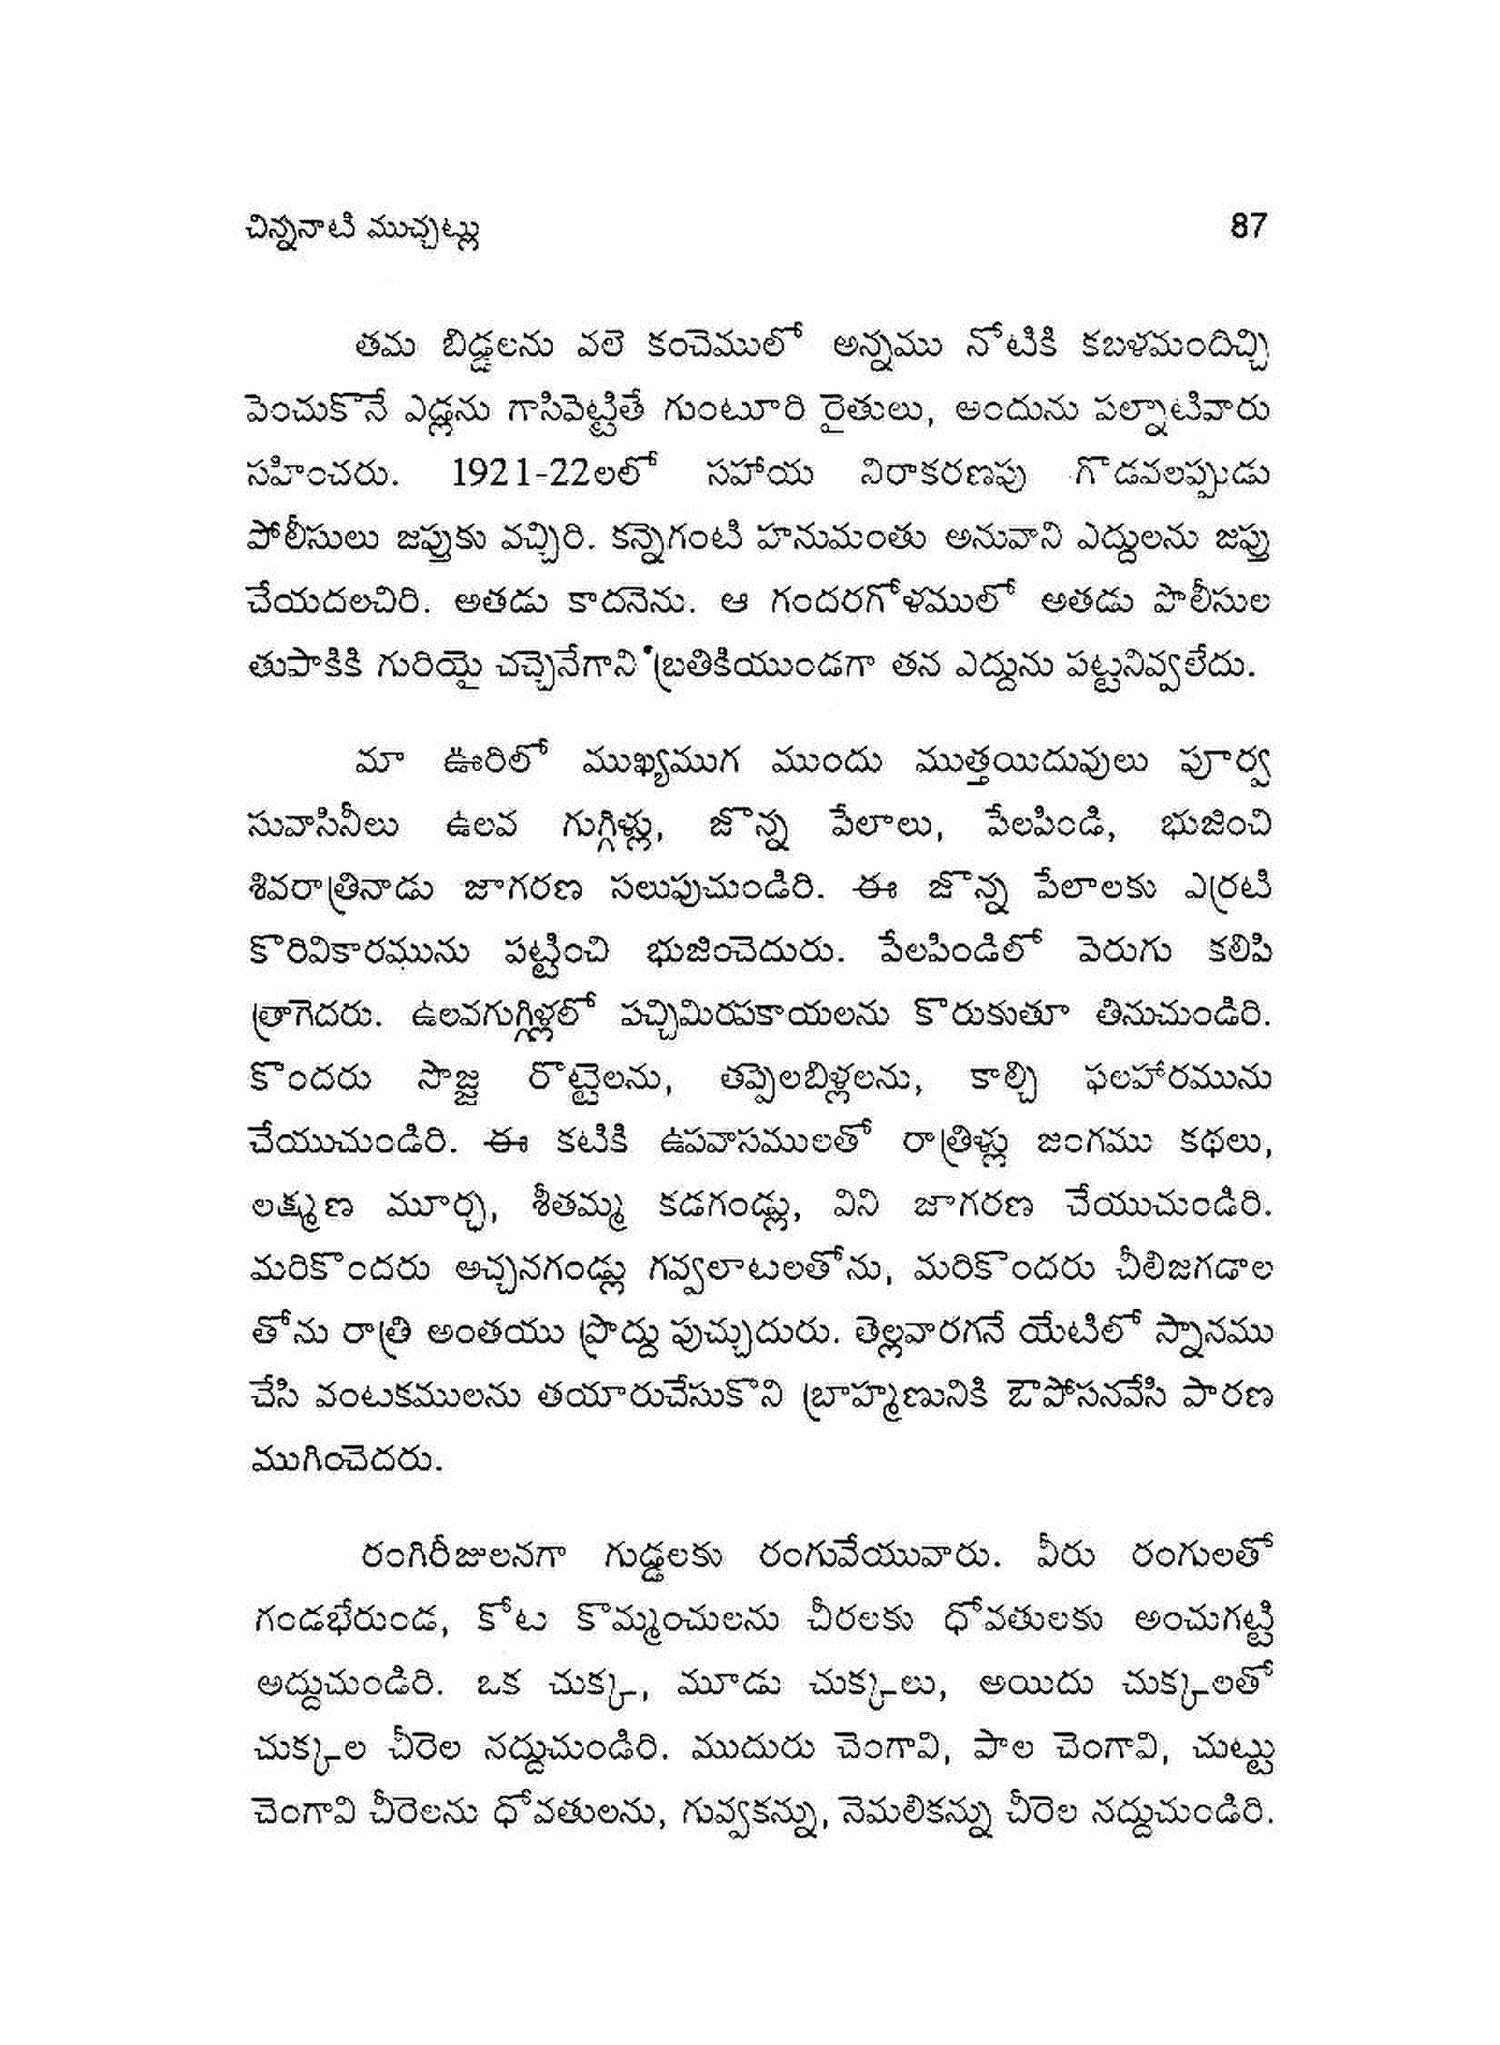తమ బిడ్డలను వలె కంచెములో అన్నము నోటికి కబళమందిచ్చి పెంచుకొనే ఎడ్లను గాసిపెట్టితే గుంటూరి రైతులు, అందును పల్నాటివారు సహించరు. 1921-22లలో సహాయ నిరాకరణపు గొడవలప్పుడు పోలీసులు జప్తుకు వచ్చిరి. కన్నెగంటి హనుమంతు అనువాని ఎద్దులను జప్తు చేయదలచిరి. అతడు కాదనెను. ఆ గందరగోళములో అతడు పొలీసుల తుపాకికి గురియై చచ్చెనేగాని బ్రతికియుండగా తన ఎద్దును పట్టనివ్వలేదు.

మా ఊరిలో ముఖ్యముగ ముందు ముత్తయిదువులు పూర్వ సువాసినీలు ఉలవ గుగ్గిళ్లు, జొన్న పేలాలు, పేలపిండి, భుజించి శివరాత్రినాడు జాగరణ సలుపుచుండిరి. ఈ జొన్న పేలాలకు ఎర్రటి కొరివికారమును పట్టించి భుజించెదురు. పేలపిండిలో పెరుగు కలిపి త్రాగెదరు. ఉలవగుగ్గిళ్లలో పచ్చిమిరపకాయలను కొరుకుతూ తినుచుండిరి. కొందరు సొజ్జ రొట్టెలను, తప్పెలబిళ్లలను, కాల్చి ఫలహారమును చేయుచుండిరి. ఈ కటికి ఉపవాసములతో రాత్రిళ్ళు జంగము కథలు, లక్ష్మణ మూర్చ, శీతమ్మ కడగండ్లు, విని జాగరణ చేయుచుండిరి. మరికొందరు అచ్చనగండ్లు గవ్వలాటలతోను, మరికొందరు చీలిజగడాల తోను రాత్రి అంతయు ప్రొద్దు పుచ్పుదురు. తెల్లవారగనే యేటిలో స్నానము చేసి వంటకములను తయారుచేసుకొని బ్రాహ్మణునికి ఔపోసనవేసి పారణ ముగించెదరు.

రంగిరీజులనగా గుడ్డలకు రంగువేయువారు. వీరు రంగులతో గండభేరుండ, కోటు కొమ్మంచులను చీరలకు ధోవతులకు అంచుగట్టి అద్దుచుండిరి. ఒక చుక్క, మూడు చుక్కలు, అయిదు చుక్కలతో చుక్కల చీరెల నడుచుండిరి. ముదురు చెంగావి, పాల చెంగావి, చుట్టు చెంగావి చీరెలను ధోవతులను, గువ్వకన్ను, నెమలికన్ను చీరెల నద్దుచుండిరి.